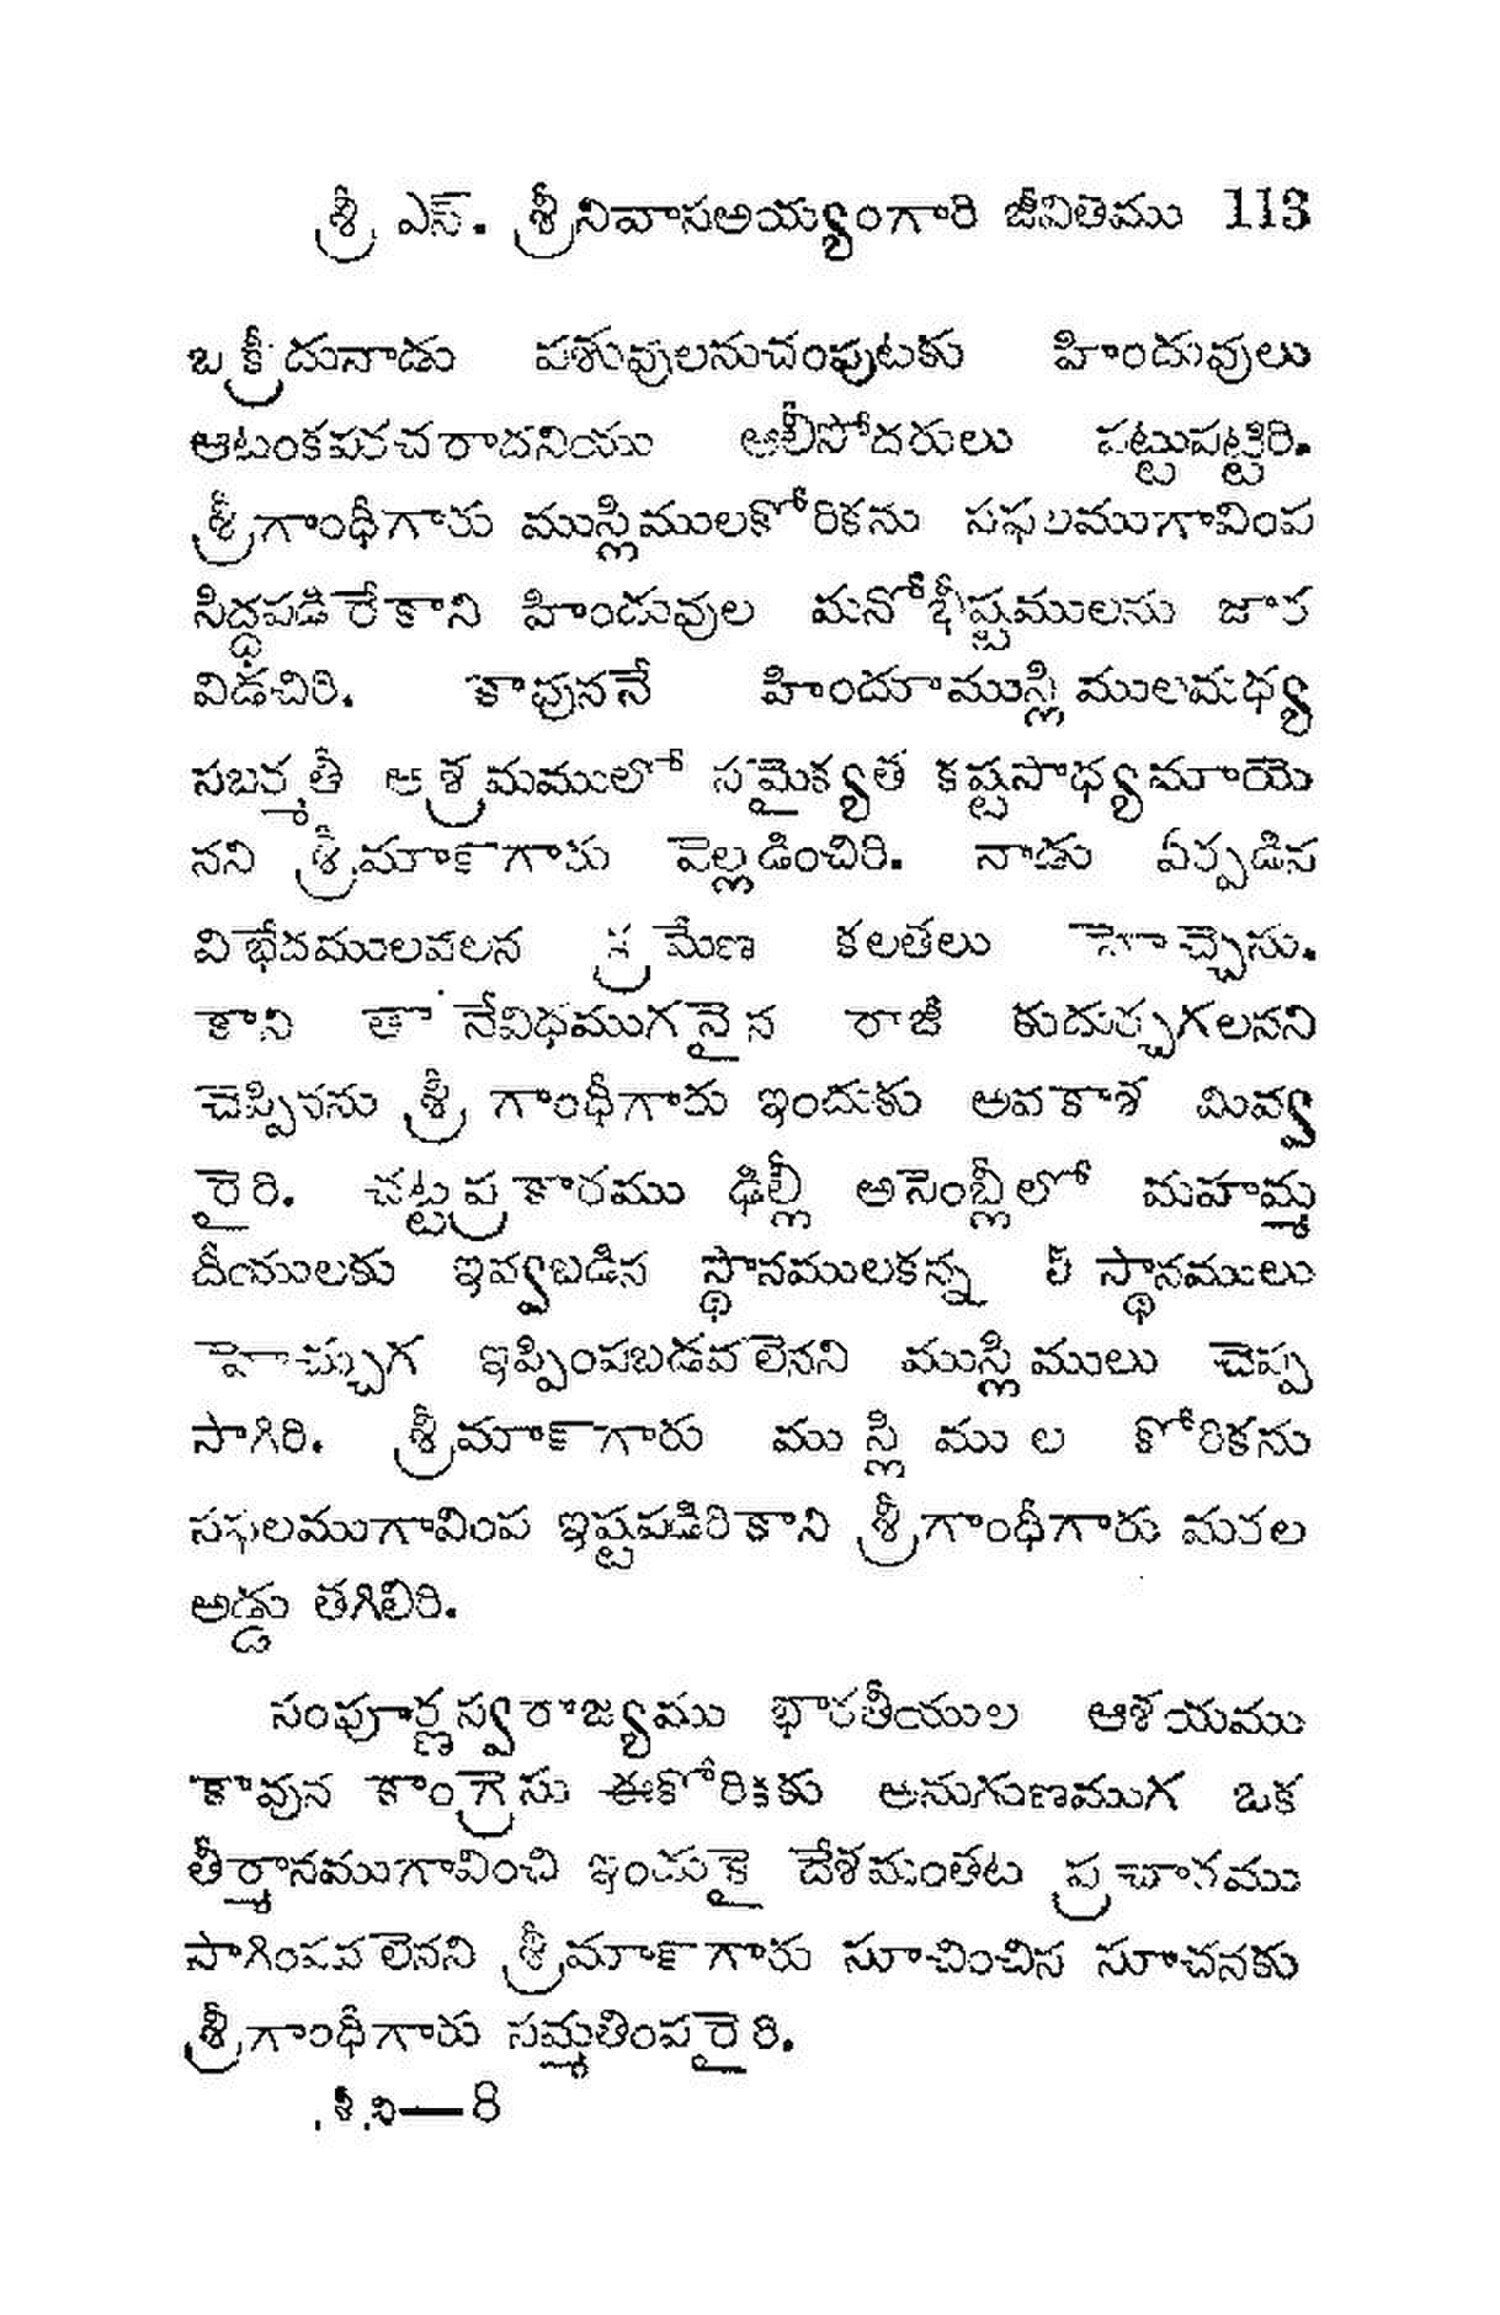బక్రీదునాడు పశువులనుచంపుటకు హిందువులు ఆటంకపరచరాదనియు ఆలీసోదరులు పట్టుపట్టిరి. శ్రీగాంధీగారు ముస్లిములకోరికను సఫలముగావింప సిద్దపడిరేకాని హిందువుల మనోభీష్టములను జార విడచిరి. కావుననే హిందూముస్లిములమధ్య సబర్మతీ ఆశ్రమములో సమైక్యత కష్టసాధ్యమాయె నని శ్రీమా౯గారు వెల్లడించిరి. నాడు ఏర్పడిన విభేదములవలన క్రమేణ కలతలు హెచ్చెను. కాని తా నేవిధముగనైన రాజీ కుదుర్చగలనని చెప్పినను శ్రీ గాంధీగారు ఇందుకు అవకాశ మివ్వరైరి. చట్టప్రకారము ఢిల్లీ అసెంబ్లీలో మహమ్మదీయులకు ఇవ్వబడిన స్థానములకన్న 5 స్థానములు హెచ్చుగ ఇప్పింపబడవలెనని ముస్లిములు చెప్ప సాగిరి. శ్రీమా౯గారు ముస్లీముల కోరికను సఫలముగావింప ఇష్టపడిరికాని శ్రీగాంధీగారు మరల అడ్డు తగిలిరి.

సంపూర్ణస్వరాజ్యము భారతీయుల ఆశయము కావున కాంగ్రెసు ఈకోరికకు అనుగుణముగ ఒక తీర్మానముగావించి ఇందుకై దేశమంతట ప్రచారము సాగింపవలెనని శ్రీమా౯గారు సూచించిన సూచనకు శ్రీగాంధీగారు సమ్మతింపరైరి.